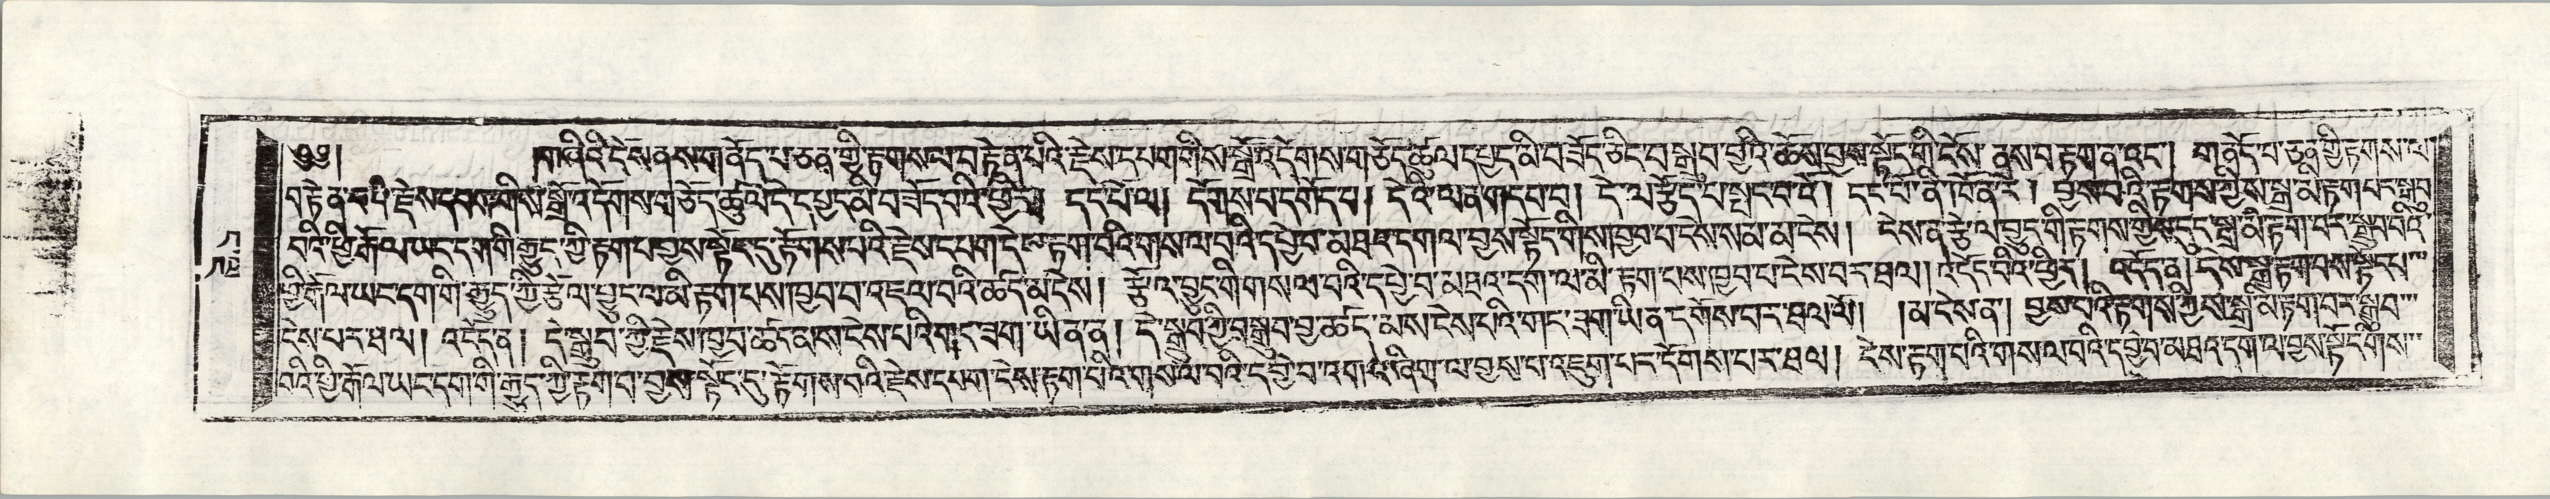༄༅། །གཞིའི་ངོས་ནས་གནོད་པ་ཅན་གྱི་རྟག་ལ་བརྟེན་པའི་རྗེས་དཔག་གིས་སྒྲོ་འདོགས་གཅོད་ཚུལ་དཔྱད་མི་བཟོད་ཅིང་བསྒྲུབ་བྱའི་ཆོས་བྱས་སྟོང་གི་ངོས་ནས་བརྟགས་ན་འང་། གནོད་པ་ཅན་གྱི་རྟག་ལ་
བརྟེན་པའི་རྗེས་དཔག་གིས་སྒྲོ་འདོགས་གཅོད་ཚུལ་དེ་དཔྱད་མི་བཟོད་པའི་ཕྱིར། དང་པོ་ལ། དོགས་པ་དགོད་པ། དེའི་ལན་གདབ་པ། དེ་ལ་རྩོད་པ་སྤོང་བའོ། དང་པོ་ནི་ཁོ་ན་རེ། བྱས་པའི་རྟགས་ཀྱིས་སྒྲ་མི་རྟག་པར་སྒྲུབ་
པའི་ཕྱི་རྒོལ་ཡང་དག་གི་རྒྱུད་ཀྱི་རྟག་པ་བྱས་སྟོང་དུ་རྟོགས་པའི་རྗེས་དཔག་དེས་རྟག་པའི་གསལ་བའི་དབྱེ་བ་མཐའ་དག་ལ་བྱས་སྟོང་གིས་ཁྱབ་པ་ངེས་སམ་མ་ངེས། ངེས་ན་རྩོལ་བྱུང་གི་རྟགས་གྱིས་དུང་སྒྲ་མི་རྟག་པར་སྒྲུབ་པའི་
ཕྱི་རྒོལ་ཡང་དག་གི་རྒྱུད་ཀྱི་རྩོལ་བྱུང་ལ་མི་རྟག་པས་ཁྱབ་པ་འཇལ་བའི་ཚད་མ་དེས། རྩོལ་བྱུང་གི་གསལ་བའི་དབྱེ་བ་མཐའ་དག་ལ་མི་རྟག་པས་ཁྱབ་པ་ངེས་པར་ཐལ། འདོད་པའི་ཕྱིར། འདོད་ན། དེས་སྒྲ་རྟག་པས་སྟོང་པ་
ངེས་པར་ཐལ། འདོད་ན། དེ་སྒྲུབ་ཀྱི་རྗེས་ཁྱབ་ཚད་མས་ངེས་པའི་གང་ཟག་ཡིན་ན། དེ་སྒྲུབ་ཀྱི་བསྒྲུབ་བྱ་ཚད་མས་ངེས་པའི་གང་ཟག་ཡིན་དགོས་པར་ཐལ་ལོ། །མ་ངེས་ན། བྱས་པའི་རྟགས་ཀྱིས་སྒྲ་མི་རྟག་པར་སྒྲུབ་
པའི་ཕྱིར་རྒོལ་ཡང་དག་གི་རྒྱུད་ཀྱི་རྟག་པ་བྱས་སྟོང་དུ་རྟོགས་པའི་རྗེས་དཔག་དེས་རྟག་པའི་གསལ་བའི་དབྱེ་བ་འགའ་ཞིག་ལ་བྱས་པ་འཇུག་པར་དོགས་པར་ཐལ། དེས་རྟག་པའི་གསལ་བའི་དབྱེ་བ་མཐའ་དག་ལ་བྱས་སྟོང་གིས་